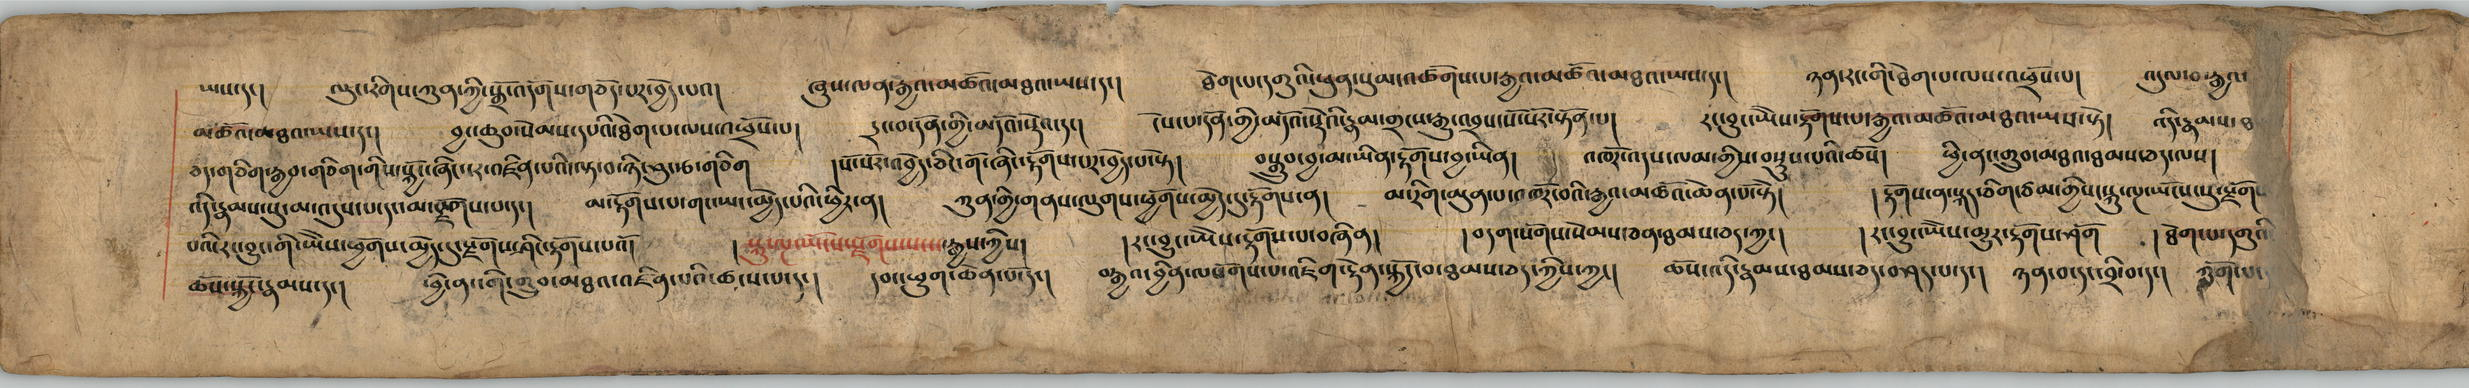ཡས་དང། ལུང་རིགས་ཀུན་ཀྱི་སྒྲོ་འདོགས་གཅོད་པར་བྱེད་པའ། ཞུས་ལན་རྒྱའ་མཚོའ་མཐའ་ཡས་དང། ཐེག་པ་དགུའི་ཕུན་སུམ་འཚོགས་པ་རྒྱའ་མཚོའ་མཐའ་ཡས་དང། ཉན་རང་གི་ཐེག་པ་ལས་འཕྲོས་པ། འདུལ་བ་རྒྱའ་
མཚོའ་མཐའ་ཡས་དང། བྱང་ཆུབ་སེམས་དཔའི་ཐེག་པ་ལས་འཕྲོས་པ། དྲང་བ་དོན་གྱི་མདོའ་སྡེའ་དང། ངེས་པ་དོན་གྱི་མདོའ་སྡེའི་རྣམ་གྲངས་རྒྱུ་འབྲས་སོ་སོར་སྟོན་པ། རང་བྱུང་ཡཻས་རྟོགས་པ་རྒྱའ་མཚོའ་མཐའ་ཡས་སྟེ། འདི་རྣམས་ཐ
ཅད་གཅིག་རྒྱབ་གཅིག་གིས་སྐྱོང་ཞིང་ངར་འཛིན་པའི་ལྟ་བ་ཉི་ཤུ་རྩ་གཅིག །སོ་སོར་འབྱེད་ཅིང་གོ་ཞིང་རྟོགས་པར་བྱེད་པ་སྟེ། བསྒྲུབ་བྱ་མ་ཡིན་རྟོགས་བྱ་ཡིན། འཁོར་འདས་ལམ་གྱིས་བསྡུས་པའི་ཆོས། ཕྱི་ནང་གྲུབ་མཐའ་ཐམས་ཅད་ལས།
འདི་རྣམས་སུ་མ་འདུས་པ་དང་མ་སྫོགས་པ་དང། མ་རྟོགས་པ་གང་ཡང་མྱེད་པའི་ཕྱིར་ན། ཀུན་གྱི་གནས་ལུགས་ཕྱོགས་མྱེད་དུ་རྟོགས་ན། མ་རིག་མུན་པ་འཁོར་བའི་རྒྱའ་མཚོའ་ཆེན་པོ་སྟེ། །རྟོགས་ན་སྐད་ཅིག་ཙམ་གྱིས་སྐུ་ལྔ་ཡོངས་སུ་སྫོགས
པའི་རང་བྱུང་གི་ཡཻས་ཕྱོགས་མྱེ་དདུ་སྫོགས་ཤཱིང་རྟོགས་པའོ། །སྐུ་ལྔ་ཡོངས་སྫོགས་སངས་རྒྱས་ཀྱིས། །རང་བྱུང་ཡཻས་རྟོགས་པ་བཞིན། །བདག་སོགས་སེམས་ཅན་ཐམས་ཅད་ཀྱང། །རང་བྱུང་ཡཻས་མྱུར་རྟོགས་ཤོག །ཐེག་པ་དགུའི་
ཆོས་སྐྱོང་རྣམས་དང། ཕྱི་ནང་གི་གྲུབ་མཐའ་འཛིན་པའི་ཚངས་པ་དང། དབང་ཕྱུག་ཆེན་པོ་དང། བརྒྱའ་བྱིན་ལསོགས་པ་འཇིག་རྟེན་སྐྱོང་བ་ཐམས་ཅད་ཀྱིས་ཀྱང། ཆོས་འདི་རྣམས་ཐམས་ཅད་བཤད་པ་དང། ཉན་བ་དང་བྲི་བ་དང། ཀློག་པ་